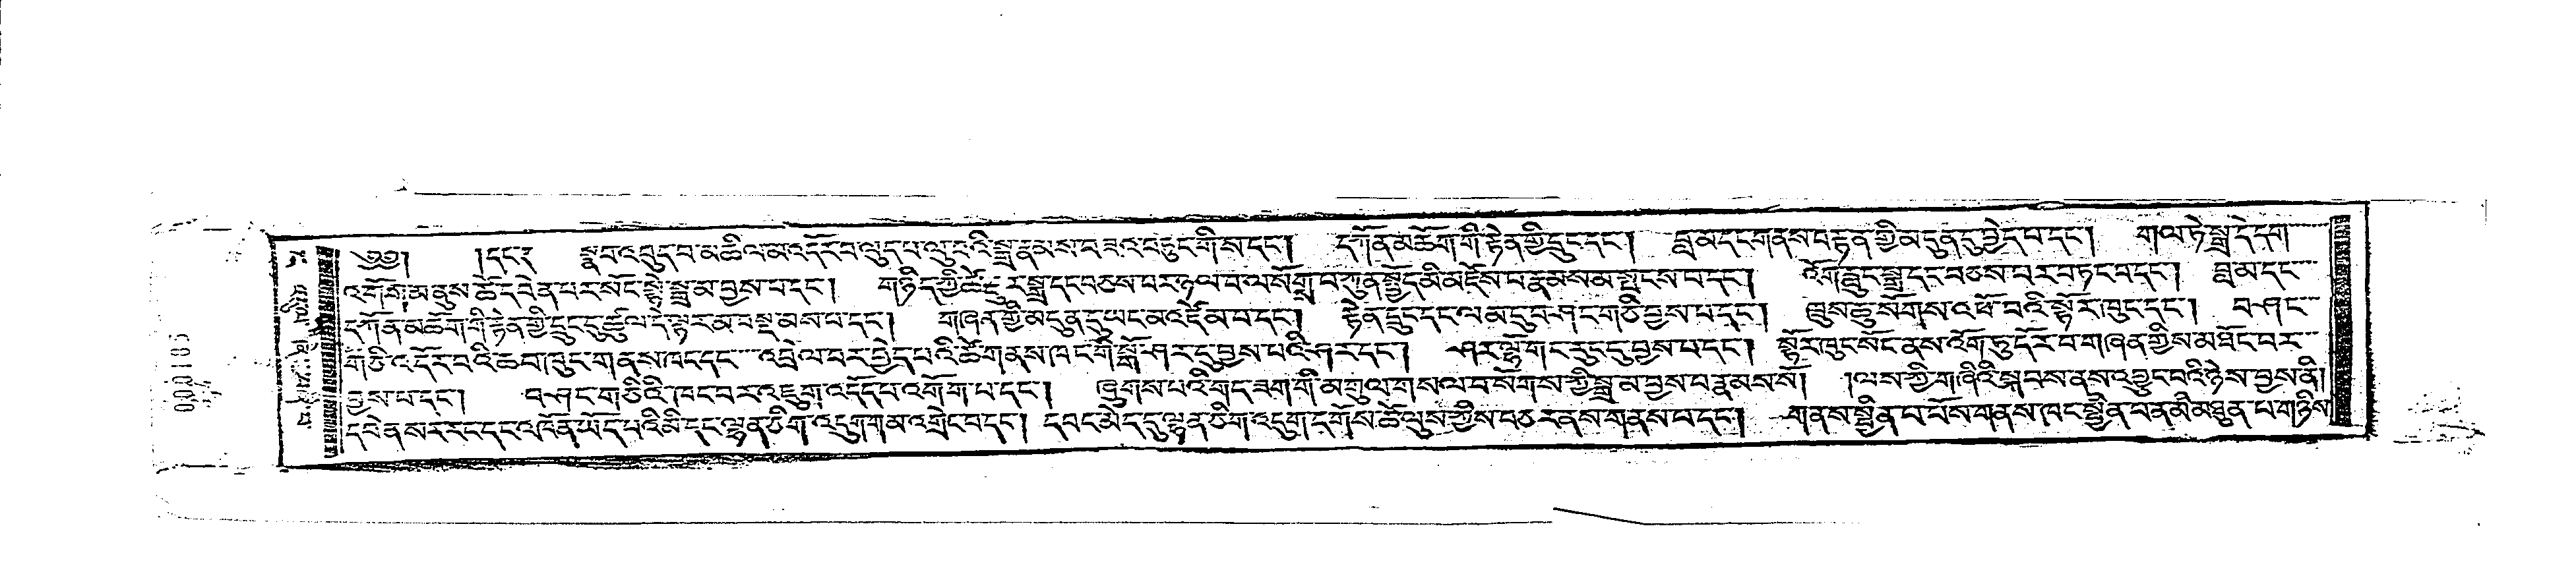༄༅། །དང༑ སྣབ་འབུད་བ་མཆིལ་མ་འདོར་བ་ལུད་པ་ལུ་བའི་སྒྲ་རྣམས་བཟའ་བཏུང་གི་ས་དང་། དཀོན་མཆོག་གི་རྟེན་གྱི་དྲུང་དང་། བླ་མ་དང་གནས་བརྟན་གྱི་མདུན་དུ་བྱེད་པ་དང་། གལ་ཏེ་སྒྲ་དེ་དག་
འགོག་མ་ནུས་ཚེ་དབེན་པར་སོང་སྟེ་སྒྲ་མ་བྱས་པ་དང་། གཉིད་ཀྱི་ཚེ་རྡུར་སྒྲ་དང་བཅས་པར་ཉལ་བ་ལ་སོགས་པ་ཀུན་སྤྱོད་མི་མཛེས་པ་རྣམས་མ་སྤངས་པ་དང་། འོག་རླུང་སྒྲ་དང་བཅས་པར་བཏང་བ་དང་། བླ་མ་དང་
དཀོན་མཆོག་གི་རྟེན་གྱི་དྲུང་དུ་ཚུལ་དེ་ལྟར་མ་བསྡམས་པ་དང་། གཞན་གྱི་མདུན་དུ་ཡང་མ་འཛེམ་པ་དང་། རྟེན་དྲུང་དང་ལམ་དུ་བཤང་གཅི་བྱས་པ་དང་། ཁྲུས་ཆུ་སོགས་འཕོ་བའི་སྟོར་ཁུང་དང་། བཤང་
གཅི་འདོར་བའི་ཆབ་ཁུང་གནས་ཁང་དང་འབྲེལ་བར་བྱེད་པའི་ཚེ་གནས་ཁང་གི་སྒོ་ཤར་དུ་བྱས་པའི་ཤར་དང་། ཤར་ལྷོ་གང་རུང་དུ་བྱས་པ་དང་། སྟོར་ཁུང་སོང་ནས་འོག་ཏུ་དོར་བ་གཞན་གྱིས་མཐོང་བར་
བྱས་པ་དང་། བཤང་གཅིའི་ཁང་བར་འཇུག་འདོད་པ་འགོག་པ་དང་། ཞུགས་པའི་གང་ཟག་གི་མགུལ་གསལ་བ་སོགས་ཀྱི་སྒྲ་མ་བྱས་པ་རྣམས་སོ། །ལས་ཀྱི་གཞིའི་སྐབས་ནས་འབྱུང་བའི་ཉེས་བྱས་ནི།
དབེན་སར་རང་དང་འཁོན་ཡོད་པའི་མི་དང་ལྷན་ཅིག་འདུག་གམ་འགྲེང་བ་དང་། དབང་མེད་དུ་ལྷན་ཅིག་འདུག་དགོས་ཚེ་ལུས་ཀྱིས་བཅར་ནས་གནས་པ་དང་། གནས་སྦྱིན་པ་པོས་གནས་ཁང་སྦྱིན་པ་ན་མི་མཐུན་པ་གཉིས་